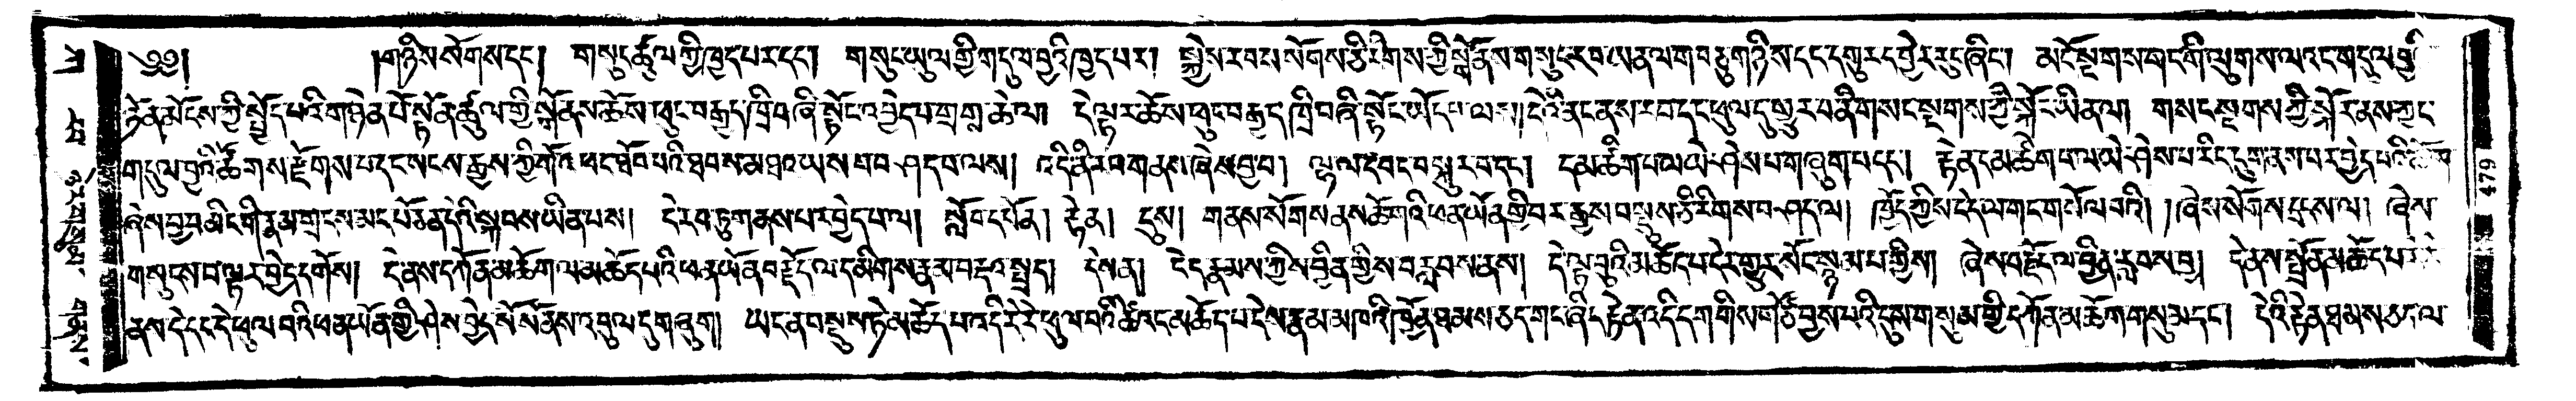༄༅། །གཉིས་སོགས་དང་། གསུང་ཚུལ་གྱི་ཁྱད་པར་དང་། གསུང་ཡུལ་གྱི་གདུལ་བྱའི་ཁྱད་པར། སྐྱེས་རབས་སོགས་ཅི་རིགས་ཀྱི་སྒོ་ནས་གསུང་རབ་ཡན་ལག་བཅུ་གཉིས་དང་དགུར་དབྱེར་རུང་ཞིང་། མངོ་སྔགས་གང་གི་ལུགས་ལའང་གདུལ་ལྕི་
ཉོན་མོངས་ཀྱི་སྤྱོད་པའི་གཉེན་པོ་སྟོན་ཚུལ་གྱི་སྒོ་ནས་ཆོས་ཕུང་བརྒྱད་ཁྲི་བཞི་སྟོང་འབྱེད་པ་གྲགས་ཆེ་ལ། དེ་ལྟར་ཆོས་ཕུང་བརྒྱད་ཁྲི་བཞི་སྟོང་ཡོད་པ་ལས། དེའི་ནང་ནས་རབ་དང་ཕུལ་དུ་གྱུར་བ་ནི་སྔགས་ཀྱི་སྐྲོང་ཡིན་ལ། གསང་སྔགས་ཀྱི་སྐོར་ནས་ཀྱང་
གདུལ་བྱའི་ཚོགས་རྫོགས་པ་དང་སངས་རྒྱས་ཀྱི་གོ་འཕང་ཐོབ་པའི་ཐབས་མཐའ་ཡས་བཤད་པ་ལས། འདི་ནི་རབ་གནས་ཞེས་བྱ་བ། ལྷ་ལ་དབང་བསྐུར་བ་དང་། དམ་ཚིག་པ་ལ་ཡེ་ཤེས་པ་གཞུག་པ་དང་། རྟེན་དམ་ཚིག་པ་ལ་ཡེ་ཤེས་པ་རིང་དུ་གནས་བར་བྱེད་པའི་ཆོག་
ཞེས་བྱ་བ་མིང་གི་རྣམ་གྲངས་མ་དཔོན་ན་དེའི་སྐབས་ཡིན་པས། དེ་རབ་ཏུ་གནས་པ་བྱེད་པ་ལ། སློབ་དཔོན། རྟེན། དུས། གནས་སོགས་ནས་ཆོ་གའི་ཕན་ཡོན་གྱི་བར་རྒྱས་བསྡུས་ཅི་རིགས་བཤད་ལ། ཁྱོད་ཀྱིས་ངེད་ལ་གང་གསོལ་བའི། ཞེས་སོགས་དྲངས་ལ། ཞེས་
གསུངས་པ་ལྟར་བྱེད་དགོས། དེ་ནས་དཀོན་མཆོག་ལ་མཆོད་པའི་ཕན་ཡོན་བརྗོད་ལ་དམིགས་རྣམས་བརྡའ་སྤྲད། དེས་ན། ངེད་རྣམས་ཀྱིས་བྱིན་གྱིས་བརླབས་ནས། དེ་ལྟ་བུའི་མཆོད་པ་དེར་གྱུར་སོང་སྙམ་པ་གྱིས། ཞེས་བརྗོད་ལ་བྱིན་རླབས་བྱ། དེ་ནས་སྤྲོན་མཆོད་པ་??
ནས་དེ་དང་དེ་ཕུལ་བའི་ཕན་ཡོན་གྱི་ཤེས་བྱེད་སོ་སོ་ནས་འབུལ་དུག་ཞུག །ཡང་ན་བསྡུས་ཏེ་མཆོད་པ་འདི་རེ་རེ་ཕུལ་བའི་ཚིའང་མཆོད་པ་དེས་རྣམ་མཁའི་ཁྱོན་ཐམས་ཅད་གང་ཞིང་རྟེན་འདི་དག་གིས་གཙོ་བྱས་པའི་དུག་གསུམ་གྱི་དཀོན་མཆོག་གསུམ་དང་། དེའི་རྟེན་ཐམས་ཅད་ལ་